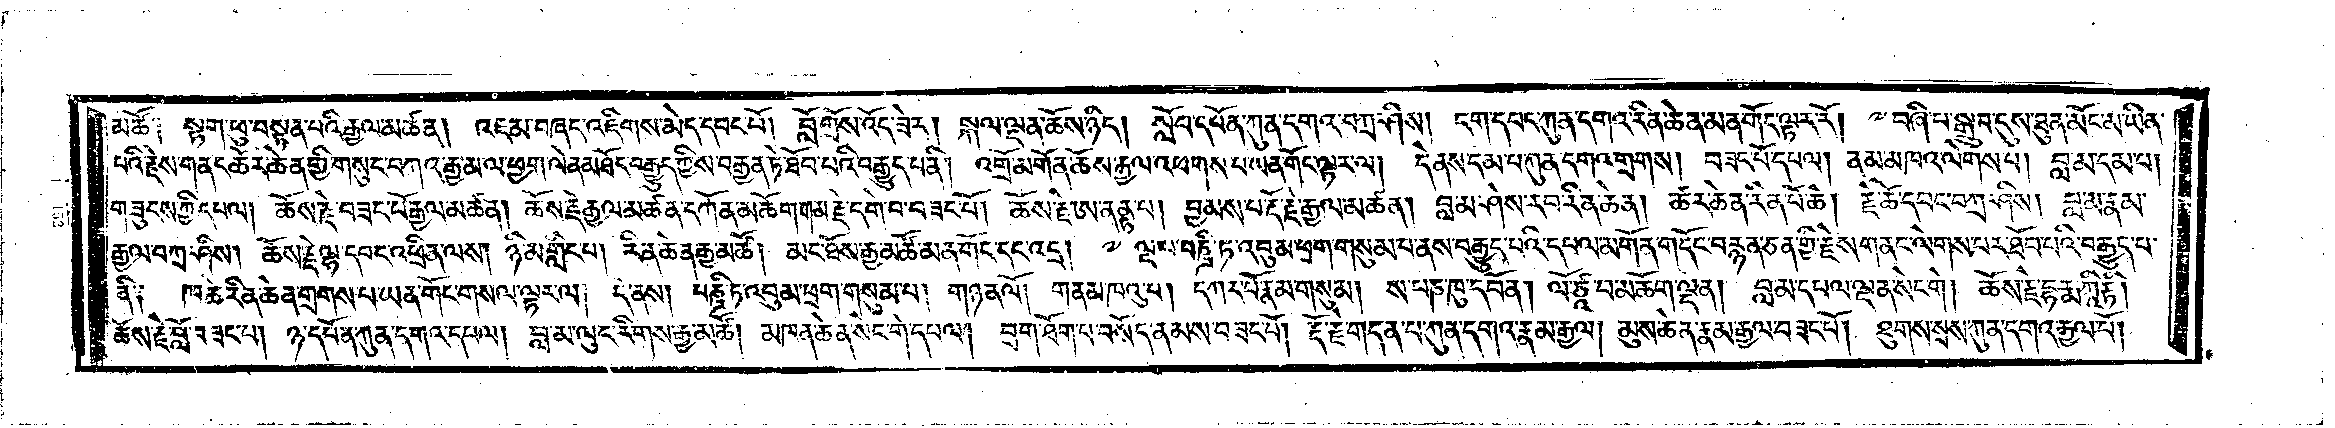མཚོ༑ སྟག་ཕུ་བསྟན་པའི་རྒྱལ་མཚན། འཇམ་བཞད་འཇིགས་མེད་དབང་པོ། བློ་གྲོས་འོད་ཟེར། སྐལ་ལྡན་ཆོས་ཉིད། སློབ་དཔོན་ཀུན་དགའ་བཀྲ་ཤིས། ངག་དབང་ཀུན་དགའ་རིན་ཆེན་མན་གོང་ལྟར་རོ། ༧བཞི་པ་སྒྲུབ་དུས་ཐུན་མོང་མ་ཡིན་
པའི་རྗེས་གནང་ཚེར་ཆེན་གྱི་གསུང་བཀའ་རྒྱ་མ་ལ་ཕྱག་ལེན་མཐོང་བརྒྱུད་ཀྱིས་བརྒྱན་ཏེ་ཐོབ་པའི་བརྒྱུད་པ་ནི། འགྲོ་མགོན་ཆོས་རྒྱལ་འཕགས་པ་ཡན་གོང་ལྟར་ལ། དེ་ནས་དམ་པ་ཀུན་དགའ་གྲགས། བཟང་པོ་དཔལ། ནམ་མཁའ་ལེགས་པ། བླ་མ་དམ་པ།
གཟུངས་ཀྱི་དཔལ། ཆོས་རྗེ་བཟང་པོ་རྒྱལ་མཚན། ཆོས་རྗེ་རྒྱལ་མཚན་དཀོན་མཆོག་གམ་རྗེ་དགེ་བ་བཟང་པོ། ཆོས་རྗེ་ཨ་ནནྟ་པ། བྱམས་པ་རྡོ་རྗེ་རྒྱལ་མཚན། བླ་མ་ཤེས་རབ་རིན་ཆེན། ཚར་ཆེན་རིན་པོ་ཆེ། རྗེ་ཚེ་དབང་བཀྲ་ཤིས། བླ་མ་རྣམ་
རྒྱལ་བཀྲ་ཤིས། ཆོས་རྗེ་ལྷ་དབང་འཕྲིན་ལས། ཉི་མ་གླིང་པ། རིན་ཆེན་རྒྱ་མཚོ། མང་ཐོས་རྒྱ་མཚོ་མན་གོང་དང་འདྲ། ༧ལྔ་པ་པཎྜི་ཏ་འབུམ་ཕྲག་གསུམ་པ་ནས་བརྒྱུད་པའི་དཔལ་མགོན་གདོང་བརྙན་ཅན་གྱི་རྗེས་གནང་ལེགས་པར་ཐོབ་པའི་བརྒྱུད་པ་
ནི༑ ཁ་ཆེ་རིན་ཆེན་གྲགས་པ་ཡན་གོང་གསལ་ལྟར་ལ། དེ་ནས། པཎྜི་ཏ་བུམ་ཕྲག་གསུམ་པ། གཉན་ལོ། གནམ་ཁུ་པ། དཀར་པོ་རྣམ་གསུམ། ས་པཎ་ཁུ་དབོན། ལོ་ཙཱ་བ་མཆོག་ལྡན། བླ་མ་དཔལ་ལྡན་སེང་གེ། ཆོས་རྗེ་དྷརྨཀཱི་རྟི།
ཆོས་རྗེ་བློ་བཟང་པ། ཉ་དཔོན་ཀུན་དགའ་དཔལ། བླ་མ་ལུང་རིགས་རྒྱ་མཚོ། མཁན་ཆེན་སེང་གེ་དཔལ། བྲག་ཐོག་པ་བསོད་ནམས་བཟང་པོ། རྡོ་རྗེ་གདན་པ་ཀུན་དགའ་རྣམ་རྒྱལ། མུས་ཆེན་རྣམ་རྒྱལ་བཟང་པོ། ཐུགས་སྲས་ཀུན་དགའ་རྒྱལ་པོ།